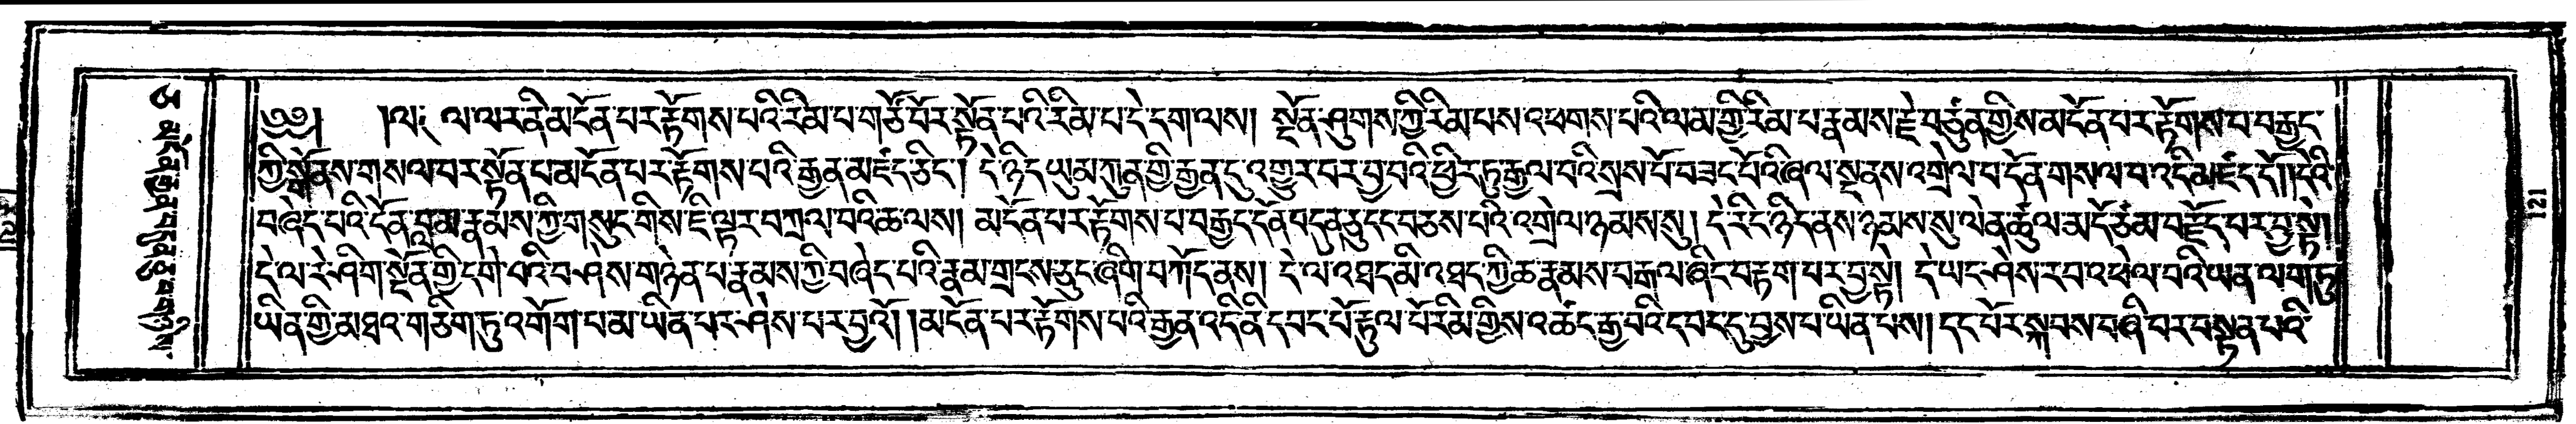༄༅། །ལ། ལ་ལར་ནི་མངོན་པར་རྟོགས་པའི་རིམ་པ་གཙོ་བོར་སྟོན་པའི་རིམ་པ་དེ་དག་ལས། སྔོན་ཤུགས་ཀྱི་རིམ་པས་འཕགས་པའི་ལམ་གྱི་རིམ་པ་རྣམས་རྗེ་བཙུན་གྱིས་མངོན་པར་རྟོགས་པ་བརྒྱད་
ཀྱི་སྒོ་ནས་གསལ་བར་སྟོན་པ་མངོན་པར་རྟོགས་པའི་རྒྱན་མཛད་ཅིང་། དེ་ཉིད་ཡུམ་ཀུན་གྱི་རྒྱན་དུ་འགྱུར་བར་བྱ་བའི་ཕྱིར་ཏུ་རྒྱལ་བའི་སྲས་པོ་བཟང་པོའི་ཞལ་སྔ་ནས་འགྲེལ་པ་དོན་གསལ་བ་འདི་མཛད་དོ། །དེའི་
བཞེད་པའི་དོན་བླ་མ་རྣམས་ཀྱི་གསུང་གིས་ཇི་ལྟར་བཀྲལ་བའི་ཆ་ལས། མངོན་པར་རྟོགས་པ་བརྒྱད་དོན་བདུན་ཅུ་དང་བཅས་པའི་འགྲེལ་ཉམས་སུ། དེ་རིང་ཉིད་ནས་ཉམས་སུ་ལེན་ཚུལ་མདོ་ཙམ་བརྗོད་པར་བྱ་སྟེ།
དེ་ལ་རེ་ཤིག་སྔོན་གྱི་དགེ་བའི་བཤེས་གཉེན་པ་རྣམས་ཀྱི་བཞེད་པའི་རྣམ་གྲངས་ཅུང་ཞིག་བཀོད་ནས། དེ་ལ་འཐད་མི་འཐད་ཀྱི་ཆ་རྣམས་བརྒལ་ཞིང་བརྟག་པར་བྱ་སྟེ། དེ་ཡང་ཤེས་རབ་འཕེལ་བའི་ཡན་ལག་ཏུ་
ཡིན་གྱི་མཐའ་གཅིག་ཏུ་འགོག་པ་མ་ཡིན་པར་ཤེས་པར་བྱའོ། །མངོན་པར་རྟོགས་པའི་རྒྱན་འདི་ནི་དབང་པོ་རྟུལ་པོ་རིམ་གྱིས་འཚང་རྒྱ་བའི་དབང་དུ་བྱས་པ་ཡིན་པས། དང་པོར་སྐབས་བཞི་བར་བསྟན་པའི་